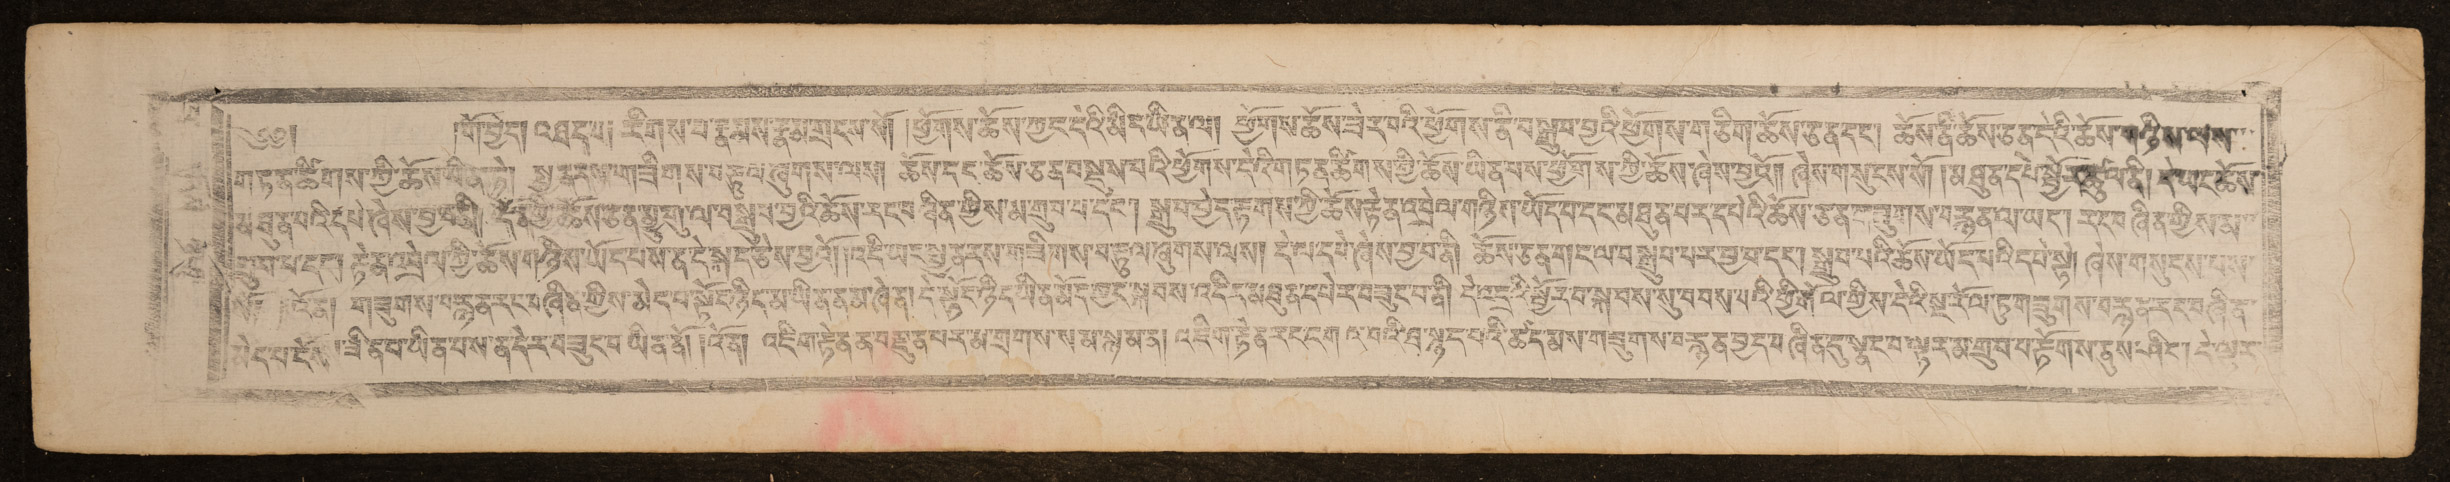༄༅། །གོ་བྱེད། འཐད་པ། རིགས་པ་རྣམས་རྣམ་གྲངས་སོ། །ཕྱོགས་ཆོས་ཀྱང་དེའི་མིང་ཡིན་ལ། ཕྱོགས་ཆོས་ཟེར་བའི་ཕྱོགས་ནི་བསྒྲུབ་བྱའི་ཕྱོགས་གཅིག་ཆོས་ཅན་དང་། ཆོས་ནི་ཆོས་ཅན་དེའི་ཆོས་གཉིས་ལས་
གཏན་ཚིགས་ཀྱི་ཆོས་ཡིན་ཏེ། སྤྱན་རས་གཟིགས་བརྟུལ་ཞུགས་ལས། ཆོས་དང་ཆོས་ཅན་བསྡུས་པའི་ཕྱོགས་དེའི་གཏན་ཚིགས་ཀྱི་ཆོས་ཡིན་པས་ཕྱོགས་ཀྱི་ཆོས་ཞེས་བྱའོ། །ཞེས་གསུངས་སོ། །མཐུན་དཔེ་སྦྱོར་ཚུལ་ནི། དེ་ཡང་ཆོས་
མཐུན་པའི་དཔེ་ཞེས་བྱ་བ་ནི། དོན་གྱི་ཆོས་ཅན་མྱུ་གུ་ལ་བསྒྲུབ་བྱའི་ཆོས་རང་བཞིན་གྱིས་མ་གྲུབ་པ་དང་། སྒྲུབ་བྱེད་རྟགས་ཀྱི་ཆོས་རྟེན་འབྲེལ་གཉིས་ཡོད་པ་དང་མཐུན་པར་དཔེའི་ཆོས་ཅན་གཟུགས་བརྙན་ལ་ཡང་། རང་བཞིན་གྱིས་མ་
གྲུབ་པ་དང་། རྟེན་འབྲེལ་གྱི་ཆོས་གཉིས་ཡོད་པས་ན་དེ་སྐད་ཅེས་བྱའོ། །འདི་ཡང་སྤྱན་རས་གཟིགས་བརྟུལ་ཞུགས་ལས། དེ་ལ་དཔེ་ཞེས་བྱ་བ་ནི། ཆོས་ཅན་གང་ལ་བསྒྲུབ་པར་བྱ་བ་དང་། སྒྲུབ་པའི་ཆོས་ཡོད་པའི་དཔེ་སྟེ། ཞེས་གསུངས་པས་
སོ། །འོ་ན། གཟུགས་བརྙན་རང་བཞིན་གྱིས་མེད་པ་སྟོང་ཉིད་མ་ཡིན་ནམ་ཞེ་ན། དེ་སྟོང་ཉིད་ཡིན་མོད་ཀྱང་སྐབས་འདིར་མཐུན་དཔེར་བཟུང་བ་ནི། དེའི་འདྲའི་སྦྱོར་བ་སྐབས་སུ་བབས་པའི་ཕྱི་རྒོལ་གྱིས་དེའི་སྔ་རོལ་ཏུ་གཟུགས་བརྙན་རང་བཞིན་
མེད་པ་ངོས་ཟིན་པ་ཡིན་པས་ན་དེར་བཟུང་བ་ཡིན་ནོ། །འོ་ན། འཇིག་རྟེན་ན་བརྫུན་པར་མ་གྲགས་སམ་སྙམ་ན། འཇིག་རྟེན་རང་འགའ་བའི་ཐ་སྙད་པའི་ཚད་མས་གཟུགས་བརྙན་བྱད་བཞིན་དུ་སྣང་བ་ལྟར་མ་གྲུབ་པ་རྟོགས་ནུས་ཤིང་། དེ་ལྟར་